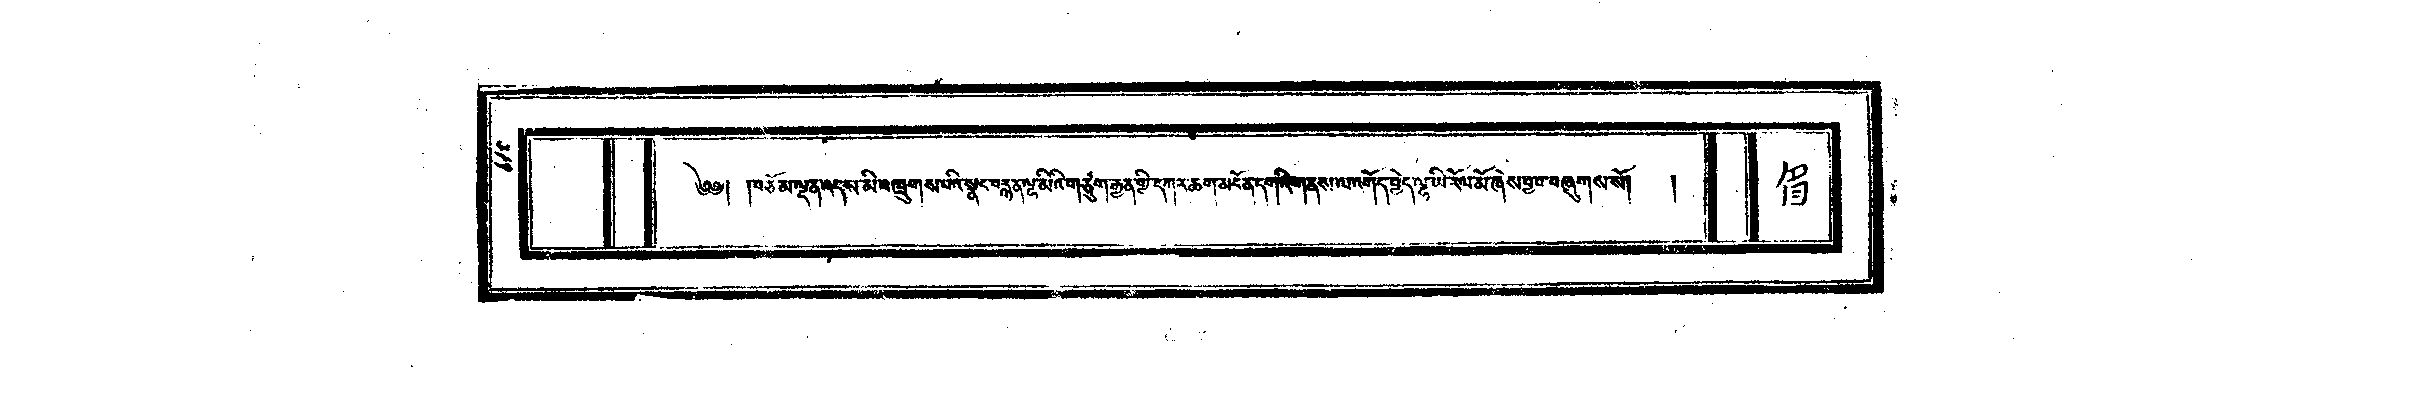༄༅། །བཅོམ་ལྡན་འདས་མི་འཁྲུགས་པའི་སྣང་བརྙན་ལྷ་མིའི་གཙུག་རྒྱན་གྱི་དཀར་ཆག་མངོན་དགའི་གནས་ལ་འགོད་བྱེད་ལྷ་ཡི་རོལ་མོ་ཞེས་བྱ་བ་བཞུགས་སོ། །